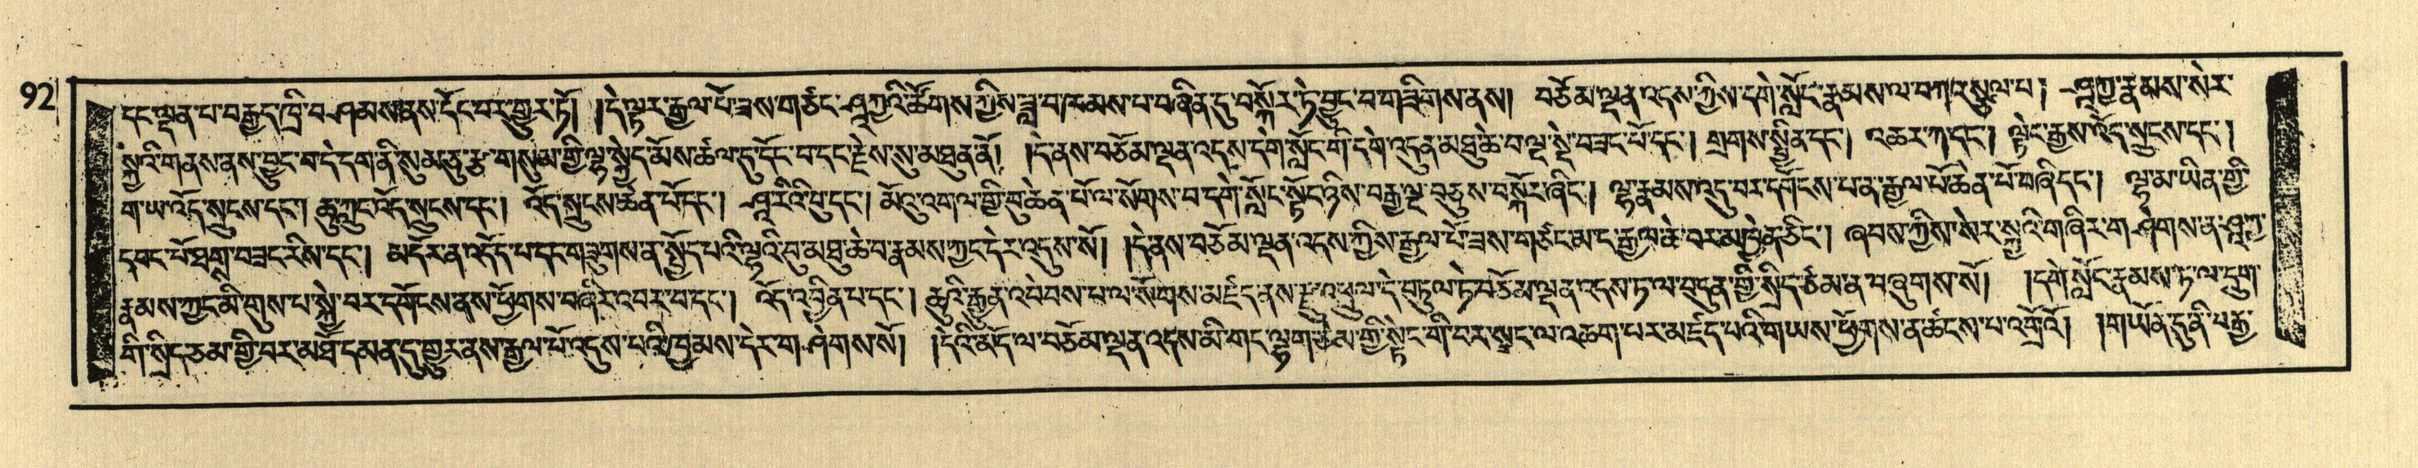དང་ལྡན་པ་བརྒྱད་ཁྲི་བཤམས་ནས་དོང་བར་གྱུར་ཏོ། །དེ་ལྟར་རྒྱལ་པོ་ཟས་གཙང་ཤཱཀྱའི་ཚོགས་ཀྱིས་ཟླ་བ་ཁམས་པ་བཞིན་དུ་བསྐོར་ཏེ་བྱུང་བ་གཟིགས་ནས། བཅོམ་ལྡན་འདས་ཀྱིས་དགེ་སློང་རྣམས་ལ་བཀའ་སྩལ་པ། ཤཱཀྱ་རྣམས་སེར་
སྐྱའི་གནས་ནས་བྱུང་བ་དེ་དག་ནི་སུམ་ཅུ་རྩ་གསུམ་གྱི་ལྷ་སྐྱེད་མོས་ཚལ་དུ་དོང་པ་དང་རྗེས་སུ་མཐུན་ནོ། །དེ་ནས་བཅོམ་ལྡན་འདས་དགེ་སློང་གི་དགེ་འདུན་མཐུ་ཆེ་བ་ལྔ་སྡེ་བཟང་པོ་དང་། གྲགས་སྤྱིན་དང་། འཆར་ཀ་དང་། ལྟེང་རྒྱས་འོད་སྲུངས་དང་།
ག་ཡ་འོད་སྲུངས་དང་། ཆུ་ཀླུང་འོད་སྲུངས་དང་། འོད་སྲུངས་ཆེན་པོ་དང་། ཤཱ་རིའི་བུ་དང་། མོའུ་འགལ་གྱི་བུ་ཆེན་པོ་ལ་སོགས་བ་དགེ་སློང་སྟོང་ཉིས་བརྒྱ་ལྔ་བཅུས་བསྐོར་ཞིང་། ལྷ་རྣམས་འདུ་བར་དགོངས་པ་ན་རྒྱལ་པོ་ཆེན་པོ་བཞི་དང་། ལྷ་མ་ཡིན་གྱི་
དབང་པོ་ཐགས་བཟང་རིས་དང་། མདོར་ན་འདོད་པ་དང་གཟུགས་ན་སྤྱོད་པའི་ལྷའི་བུ་མཐུ་ཆེ་བ་རྣམས་ཀྱང་དེར་འདུས་སོ། །དེ་ནས་བཅོམ་ལྡན་འདས་ཀྱིས་རྒྱལ་པོ་ཟས་གཙང་མ་ང་རྒྱལ་ཆེ་བར་མཁྱེན་ཅིང་། ཞབས་ཀྱིས་སེར་སྐྱའི་གཞིར་གཤེགས་ན་ཤཱཀྱ་
རྣམས་ཀྱང་མི་གུས་པ་སྐྱེ་བར་དགོངས་ནས་ཕྱོགས་བཞིར་འབར་བ་དང་། འོད་འབྱིན་པ་དང་། ཆུའི་རྒྱུན་འབེབས་པ་ལ་སོགས་མཛད་ནས་རྫུ་འཕྲུལ་དེ་བཏུལ་ཏེ་བཅོམ་ལྡན་འདས་ཏ་ལ་བདུན་གྱི་སྲིད་ཙམ་ན་བཞུགས་སོ། །དགེ་སློང་རྣམས་ཏ་ལ་དྲུག་
གི་སྲིད་ཅམ་གྱི་བར་མཐོ་དམན་དུ་གྱུར་ནས་རྒྱལ་པོ་འདུས་པའི་ཁྱམས་དེར་གཤེགས་སོ། །དེའི་མདོ་ལ་བཅོམ་ལྡན་འདས་མི་གང་ལྷག་ཙམ་གྱི་སྟེང་གི་བར་སྲང་ལ་འཆག་པར་མཛད་པའི་གཡས་ཕྱོགས་ན་ཚངས་པ་འགྲོའོ། །གཡོན་དུ་ནི་བརྒྱ་